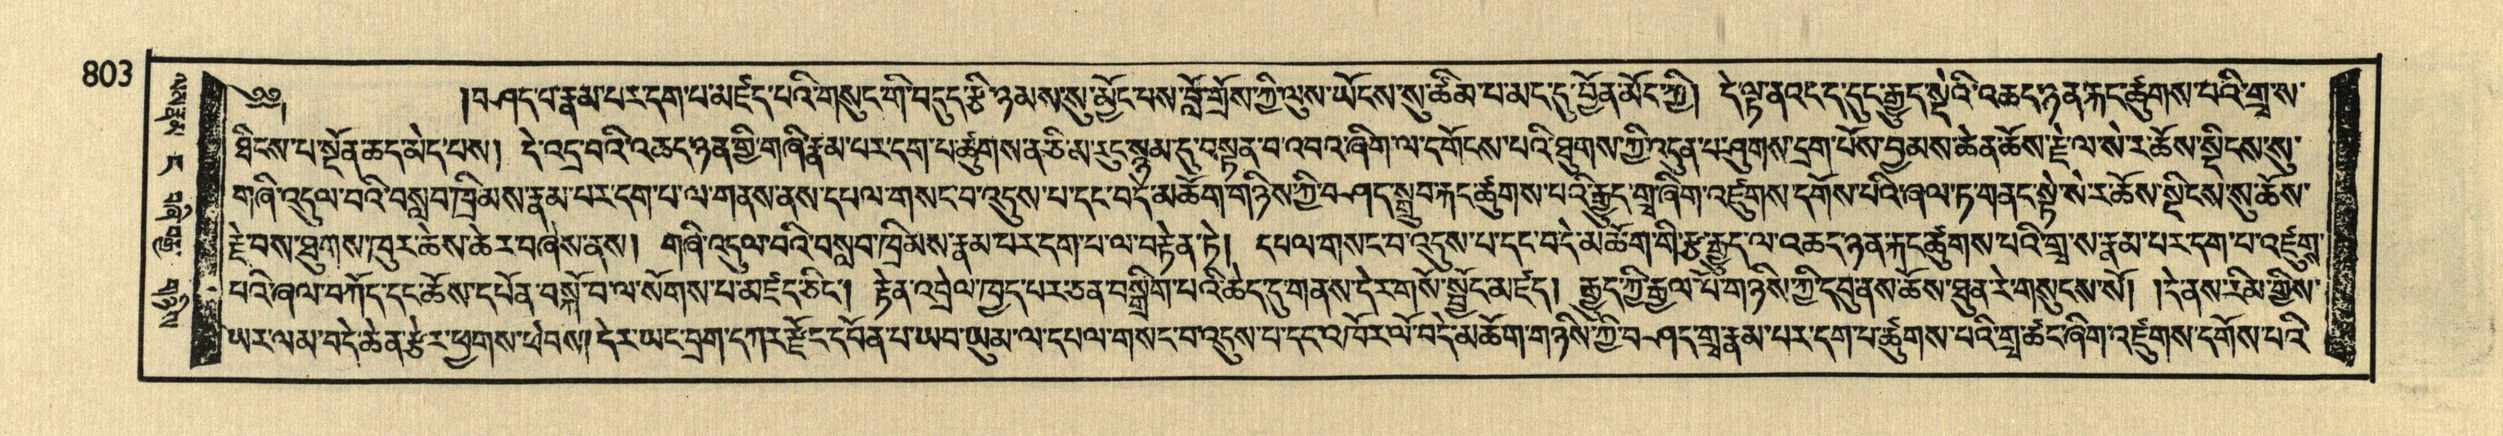༄༅། །བཤད་པ་རྣམ་པར་དག་པ་མཛད་པའི་གསུང་གི་བདུད་རྩི་ཉམས་སུ་མྱོང་པས་བློ་གྲོས་ཀྱི་ལུས་ཡོངས་སུ་ཚིམ་པ་མང་དུ་བྱོན་མོང་ཀྱི། དེ་ལྟ་ནའང་ད་དུང་རྒྱུད་སྡེའི་འཆད་ཉན་རྐང་ཚུགས་པའི་གྲྭ་ས་
ཐིངས་པ་སྔོན་ཆད་མེད་པས། དེ་འདྲ་བའི་འཆད་ཉན་གྱི་གཞི་རྣམ་པར་དག་པ་ཚུགས་ན་ཅི་མ་རུང་སྙམ་དུ་བསྟན་བ་འབའ་ཞིག་ལ་དགོངས་པའི་ཐུགས་ཀྱི་འདུན་པ་ཤུགས་དྲག་པོས་བྱམས་ཆེན་ཆོས་རྗེ་ལ་སེ་ར་ཆོས་སྡིངས་སུ་
གཞི་འདུལ་བའི་བསླབ་ཁྲིམས་རྣམ་པར་དག་པ་ལ་གནས་ནས་དཔལ་གསང་བ་འདུས་པ་དང་བདེ་མཆོག་གཉིས་ཀྱི་བཤད་སྒྲུབ་རྐང་ཚུགས་པའི་རྒྱུད་གྲྭ་ཞིག་འཛུགས་དགོས་པའི་ཞལ་ཏ་གནང་སྟེ་སེ་ར་ཆོས་སྡིངས་སུ་ཆོས་
རྗེ་བས་ཐུགས་ཁུར་ཆེས་ཆེར་བཞེས་ནས། གཞི་འདུལ་བའི་བསླབ་ཁྲིམས་རྣམ་པར་དག་པ་ལ་བརྟེན་ཏེ། དཔལ་གསང་བ་འདུས་པ་དང་བདེ་མཆོག་གི་རྩ་རྒྱུད་ལ་འཆད་ཉན་རྐང་ཚུགས་པའི་གྲྭ་ས་རྣམ་པར་དག་པ་འཛུགས་
པའི་ཞལ་བཀོད་དང་ཆོས་དཔོན་བསྐོ་བ་ལ་སོགས་པ་མཛད་ཅིང་། རྟེན་འབྲེལ་ཁྱད་པར་ཅན་བསྒྲིག་པའི་ཆེད་དུ་གནས་དེར་གསོ་སྦྱོང་མཛད། རྒྱུད་ཀྱི་རྒྱལ་པོ་གཉིས་ཀྱི་དབུ་ནས་ཆོས་ཐུན་རེ་གསུངས་སོ། །དེ་ནས་རིམ་གྱིས་
ཡར་ལམ་བདེ་ཆེན་རྩེར་ཕྱགས་ཕེབས། དེར་ཡང་བྲག་དཀར་རྫོང་དབོན་པ་ཡབ་ཡུམ་ལ་དཔལ་གསང་བ་འདུས་པ་དང་འཁོར་ལོ་བདེ་མཆོག་གཉིས་ཀྱི་བཤད་གྲྭ་རྣམ་པར་དག་པ་ཚུགས་པའི་གྲྭ་ཚང་ཞིག་འཛུགས་དགོས་པའི་